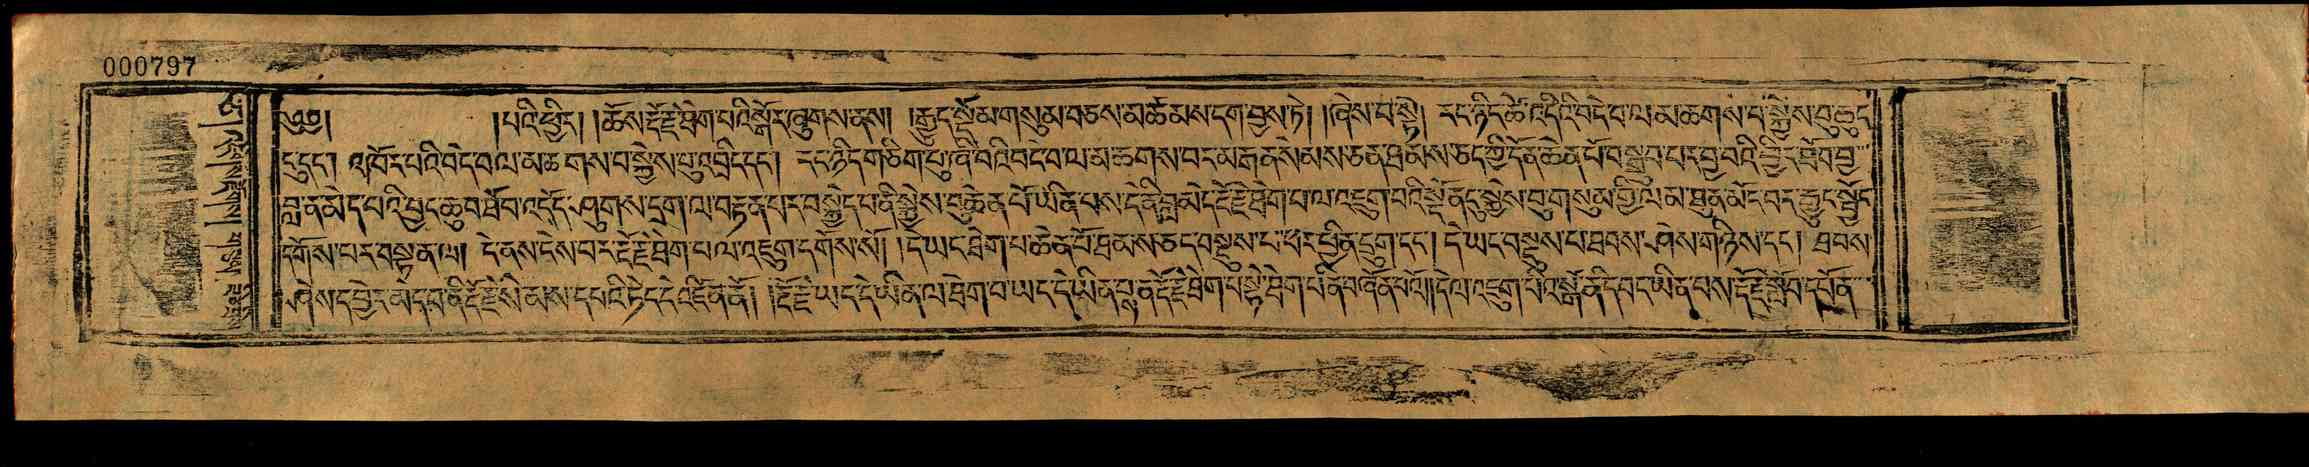༄༅། །པའི་ཕྱིར། །ཆོས་རྡོ་རྗེ་ཐེག་པའི་སྒོར་ཞུགས་ནས། །རྒྱུད་སྡོམ་གསུམ་བཅས་མཚམས་དག་བྱས་ཏེ། །ཞེས་པ་སྟེ། རང་ཉིད་ཚེ་འདིའི་བདེ་བ་ལ་མ་ཆགས་པ་སྐྱེས་བུ་ཆུང་
ངུ་དང་། འཁོར་བའི་བདེ་བ་ལ་མ་ཆགས་པ་སྐྱེས་བུ་འབྲིང་དང་། རང་ཉིད་གཅིག་པུ་ཞི་བའི་བདེ་བ་ལ་མ་ཆགས་པར་མ་རྒན་སེམས་ཅན་ཐམས་ཅད་ཀྱི་དོན་ཆེན་པོ་བསྒྲུབ་པར་བྱ་བའི་ཕྱིར་ཐོབ་བྱ་
བླ་ན་མེད་པའི་བྱང་ཆུབ་ཐོབ་འདོད་ཤུགས་དྲག་ལ་བརྟེན་པར་བསྐྱེད་པ་ནི་སྐྱེས་བུ་ཆེན་པོ་ཡིན་པས་དེ་ནི་བླ་མེད་རྡོ་རྗེ་ཐེག་པ་ལ་འཇུག་པའི་སྔོན་དུ་སྐྱེས་བུ་གསུམ་གྱི་ལམ་ཐུན་མོང་བར་རྒྱུད་སྦྱོང་
དགོས་པར་བསྟན་ལ། དེ་ནས་ངེས་པར་རྡོ་རྗེ་ཐེག་པ་ལ་འཇུག་དགོས་སོ། །དེ་ཡང་ཐེག་པ་ཆེན་པོ་ཐམས་ཅད་བསྡུས་པ་ཕར་ཕྱིན་དྲུག་དང་། དེ་ཡང་བསྡུས་པ་ཐབས་ཤེས་གཉིས་དང་། ཐབས་
ཤེས་དབྱེར་མེད་པ་ནི་རྡོ་རྗེ་སེམས་དཔའི་ཏིང་ངེ་འཛིན་ནོ། །རྡོ་རྗེ་ཡང་དེ་ཡིན་ལ་ཐེག་པ་ཡང་དེ་ཡིན་པས་ན་རྡོ་རྗེ་ཐེག་པ་སྟེ་ཐེག་པ་ནི་བཞོན་པའོ། །དེ་ལ་འཇུག་པའི་སྒོ་ནི་དབང་ཡིན་པས་རྡོ་རྗེ་སློབ་དཔོན་